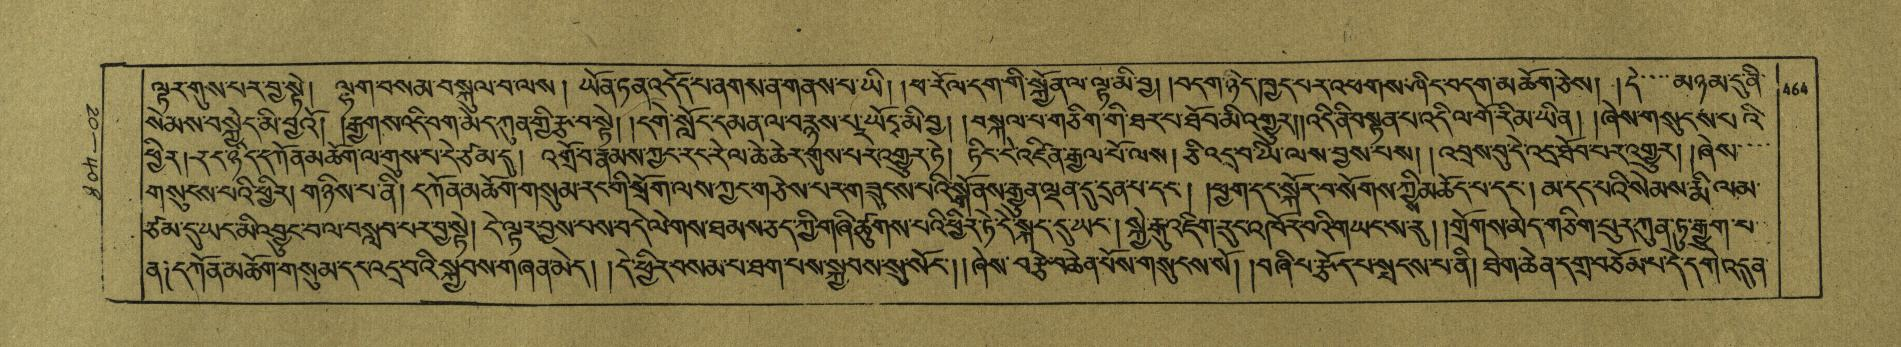ལྟར་གུས་པར་བྱ་སྟེ། ལྷག་བསམ་བསྐུལ་བ་ལས། ཡོན་ཏན་འདོད་པ་ནགས་ན་གནས་པ་ཡི། །ཕ་རོལ་དག་གི་སྐྱོན་ལ་ལྟ་མི་བྱ། །བདག་ཉིད་ཁྱད་པར་འཕགས་ཤིང་བདག་མཆོག་ཅེས། །དེ་མཉམ་དུ་ནི་
སེམས་བསྐྱེད་མི་བྱའོ། །རྒྱགས་འདི་བག་མེད་ཀུན་གྱི་རྩ་བ་སྟེ། །དགེ་སློང་དམན་ལ་བརྙས་པར་ཡོངས་མི་བྱ། །བསྐལ་པ་གཅིག་གི་ཐར་པ་ཐོབ་མི་འགྱུར། །འདི་ནི་བསྟན་པ་འདི་ལ་གོ་རིམ་ཡིན། །ཞེས་གསུངས་པའི་
ཕྱིར། རང་ཉིད་དཀོན་མཆོག་ལ་གུས་པ་དེ་ཙམ་དུ། འགྲོ་བ་རྣམས་ཀྱང་རང་རེ་ལ་ཆེ་ཆེར་གུས་པར་འགྱུར་ཏེ། ཏིང་ངེ་འཛིན་རྒྱལ་པོ་ལས། ཅི་འདྲ་བ་ཡི་ལས་བྱས་པས། །འབྲས་བུ་དེ་འདྲ་ཐོབ་པར་འགྱུར། །ཞེས་
གསུངས་པའི་ཕྱིར། གཉིས་པ་ནི། དཀོན་མཆོག་གསུམ་རང་གི་སྲོག་ལས་ཀྱང་གཅེས་པར་གཟུངས་པའི་སྒོ་ནས་རྒྱུན་ལྡན་དུ་དྲན་པ་དང་། །ཕྱག་དང་སྐོར་བ་སོགས་ཀྱིས་མཆོད་པ་དང་། མ་དད་པའི་སེམས་རྨི་ལམ་
ཙམ་དུ་ཡང་མི་འབྱུང་བ་ལ་བསླབ་པར་བྱ་སྟེ། དེ་ལྟར་བྱས་པས་བདེ་ལེགས་ཐམས་ཅད་ཀྱི་གཞི་ཚུགས་པའི་ཕྱིར་ཏེ་དེ་སྐད་དུ་ཡང་། སྐྱེ་རྒུ་འཇིག་རུང་འཁོར་བའི་གཡང་ས་རུ། །གྲོགས་མེད་གཅིག་པུར་ཀུན་ཏུ་རྒྱུག་པ་
ན༑ དཀོན་མཆོག་གསུམ་དང་འདྲ་བའི་སྐྱབས་གཞན་མེད། །དེ་ཕྱིར་བསམ་པ་ཐག་པས་སྐྱབས་སུ་སོང་། །ཞེས་བརྩེ་བ་ཆེན་པོས་གསུངས་སོ། །བཞི་པ་རྩོད་པ་སྤངས་པ་ནི། ཐེག་ཆེན་དགྲ་བཅོམ་པ་དེ་དགེ་འདུན་